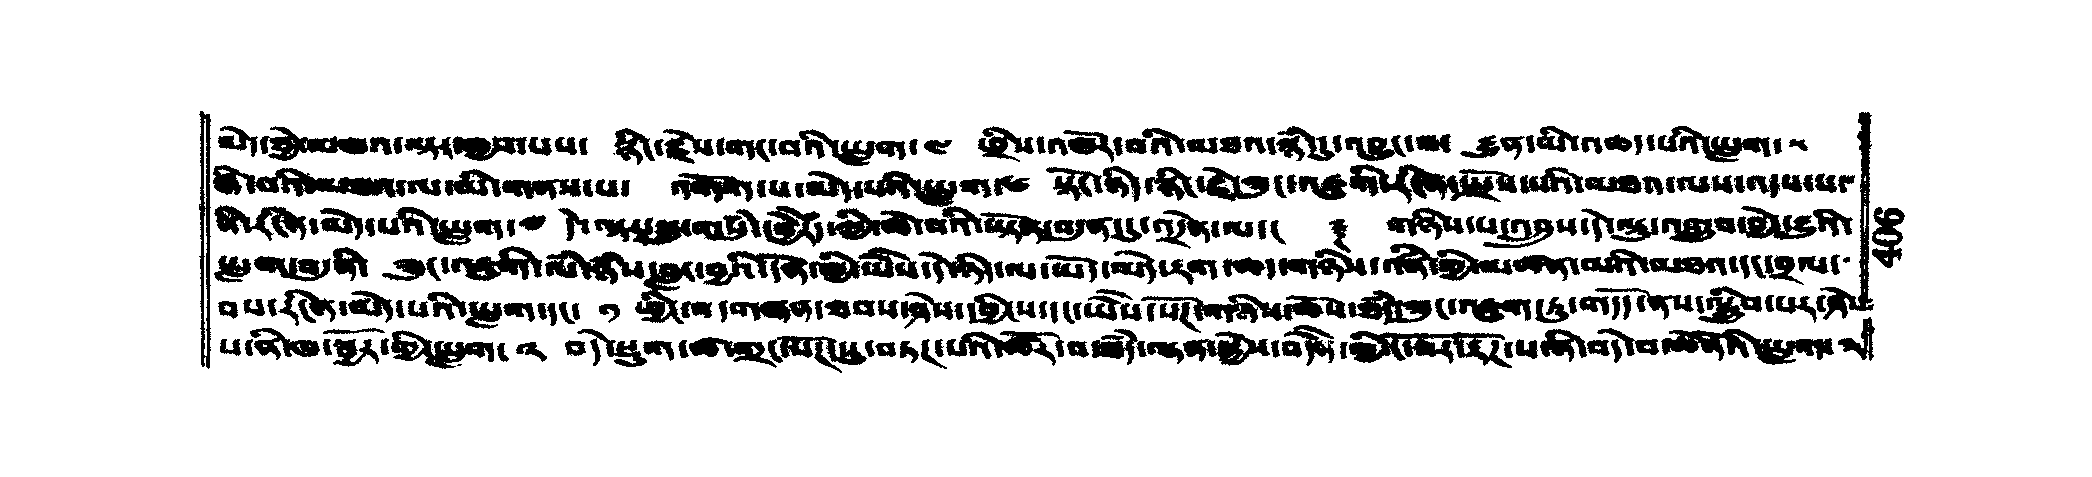མེད་ཐུགས་རྗེ་མཁའ་ལྟར་ཁྱབ་པས། སྙིང་རྗེས་གང་བའི་ཡན་ལག ཕྲིན་ལས་འཁོར་བའི་མཐའ་མཉམ་དུ་འབྱུང་བས། རྒྱུན་མི་འཆད་པའི་ཡན་ལག 
ཞི་བའི་མཐའ་ལ་མི་གནས་པས། འགོག་པ་མེད་པའི་ཡན་ལག སྟོང་ཉིད་སྙིང་རྗེ་ཟུང་འཇུག་གི་རང་བཞིན་སྤྲོས་པའི་མཐའ་ལས་འདས་པ་
ནི་རང་བཞིན་མེད་པའི་ཡན་ལག དེ་ལྟར་སྐུ་གསུམ་དབྱེར་མེད་ཀྱི་ཆེ་བའི་ཡོན་ཏན་བདུན་དུ་འདྲེན་ལ། གཉིས་པ་འབྲས་བུ་དེ་ལྟ་བུ་འགྲུབ་བྱེད་རྒྱུའི་
ཡན་ལག་བདུན་ནི། ཟུང་འཇུག་གི་ལམ་ཉམས་སུ་བླང་བྱའི་དོན་གྱི་ཡེ་ཤེས་དེ་ཉིད་ལ་ཡོད་མེད་རྟག་ཆད་གཉིས་འཛིན་གྱི་མཚན་མའི་མཐའ་དང་བྲལ་
བས་རང་བཞིན་མེད་པའི་ཡན་ལག་དང་། ཕྱི་ནང་བདག་གཞན་ཐབས་ཤེས་དབྱིངས་དང་ཡེ་ཤེས་སོགས་གཉིས་ཆོས་ཐམས་ཅད་ཟུང་འཇུག་ཏུ་གདོད་ནས་ལྷུན་གྱིས་གྲུབ་པར་ཤེས་
པ་ནི་ཁ་སྦྱོར་གྱི་ཡན་ལག བདེ་སྡུག་ཚ་གྲང་སོགས་སུ་བཏགས་པའི་ཚོར་བ་ཐམས་ཅད་ལྷན་སྐྱེས་བདེ་ཆེན་གྱི་ངོ་བོར་རྟོགས་པ་ནི་བདེ་བ་ཆེན་པོའི་ཡན་ལག